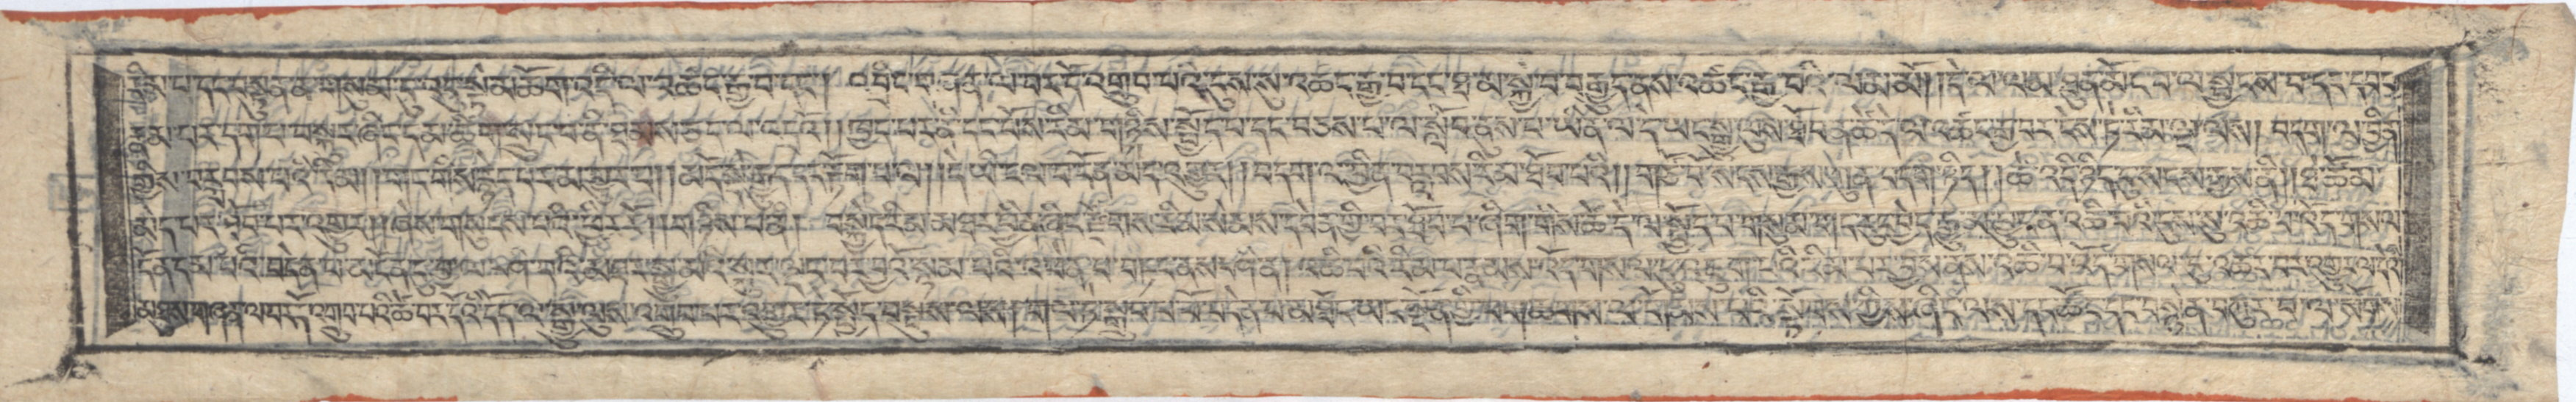རིམ་པ་དང་བསྟུན་ན་གསུམ་དུ་འདུ་སྟེ་མཆོག་འདི་ལ་འཚང་རྒྱ་བ་དང་། འབྲིང་གཞན་ལ་བར་དོ་འགྲུབ་པའི་དུས་སུ་འཚང་རྒྱ་བ་དང་ཐ་མ་སྐྱེ་བ་བརྒྱུད་ནས་འཚང་རྒྱ་བའི་ལམ་མོ། །དེ་ལ་ལམ་ཐུན་མོང་བ་ལ་སྦྱངས་བ་དང་དབང་
རྣམ་པར་དག་པ་བསྐུར་ཞིང་དམ་ཚིག་སྲུང་བ་ནི་ཐམས་ཅད་ལ་འདྲའོ། །ཁྱད་པར་ནི་དང་པོས་རིམ་གཉིས་སྤྱོད་པ་དང་བཅས་པ་ལ་སློབ་ནུས་པ་ཡིན་ལ་དེ་ཡང་སྒྱུ་ལུས་ཐོབ་ན་ཚེ་དེ་ལ་འཚང་རྒྱ་བར་ངེས་ཏེ་རིམ་ལྔ་ལས། བདག་ལ་བྱིན་
གྱིས་བརླབས་པའི་རིམ། །གང་གིས་རྙེད་པར་མ་གྱུར་པ། །མདོ་སྡེ་རྒྱུད་དང་རྟོག་པ་ལ། །དེ་ཡི་ངལ་བ་དོན་མེད་འགྱུར། །བདག་ལ་བྱིན་བརླབས་རིམ་ཐོབ་པའི། །གཙོ་བོ་སངས་རྒྱས་ཀུན་བདག་ཉིད། །ཚེ་འདི་ཉིད་དུ་སངས་རྒྱས་ནི། །ཐེ་ཚོམ་
མེད་པར་ཐོབ་པར་འགྱུར། །ཞེས་གསུངས་པའི་ཕྱིར་རོ། །གཉིས་པ་ནི། བསྐྱེད་རིམ་མཐར་བྱིན་ཞིང་རྫོགས་རིམ་སེམས་དབེན་གྱི་བར་ཐོབ་པ་ཞིག་གིས་ཚེ་དེ་ལ་སྤྱོད་པ་གསུམ་གང་རུང་བྱེད་རྒྱུ་མ་བྱུང་ན་འཆི་བའི་དུས་སུ་འཆི་བ་འོད་གསལ་
དོན་དམ་པའི་བདེན་པ་མངོན་དུ་བྱ་ལ་ཤི་བའི་མཐར་སྒྱུ་མའི་སྐུར་ལྡང་བར་བྱའོ་སྙམ་པའི་འཕེན་པ་བཏང་ནས་ཤི་ན། འཆི་བའི་རིམ་པ་རྣམས་འོད་གསལ་དུ་འཇུག་པའི་རིམ་པར་བྱས་ནས་འཆི་བ་འོད་གསལ་དུ་འཆར་བར་འགྱུར་ལ་དེའི་
མཐུས་གཞན་ལ་བར་དོ་འགྲུབ་པའི་ཚེ་བར་དོའི་དོད་ལ་སྒྱུ་ལུས་འགྲུབ་པར་འགྱུར་ཏེ་སྤྱོད་བསྡུས་ལས། གལ་ཏེ་སྒྲུབ་པ་པོ་བདེན་པ་མཐོང་ཡང་སྔོན་གྱི་བག་ཆགས་ལ་གོམས་པའི་སྟོབས་ཀྱིས་ཞིང་ལས་དང་ཚོང་དང་བསྙེན་བཀུར་བ་ལ་སོགས་